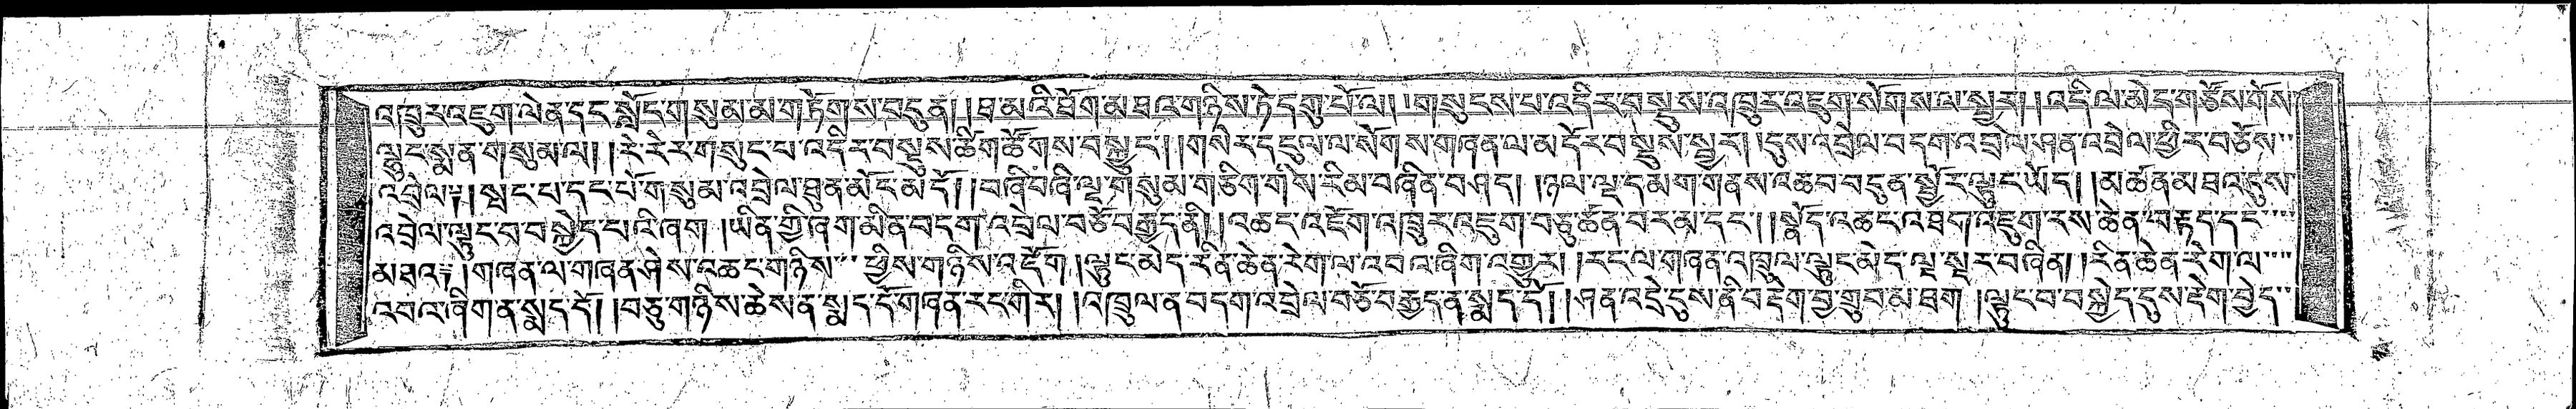འཁྲུར་འཇུག་ལེན་དང་སློང་གསུམ་མ་གཏོགས་བདུན། །ཐ་མའི་ཐོག་མཐའ་གཉིས་ཏེ་དགུ་པོ་ལ། །གསུངས་པ་འདིར་བསྡུས་འཁྲུར་འཇུག་སོགས་ལ་སྦྱར། །འདི་ལ་མེད་གཙོས་གོས་
ལྷུང་སྨན་གསུམ་ལ། །རེ་རེར་གསུང་པ་འདིར་བསྡུས་ཚིག་ཚོགས་བསྐྱུང་། །གསེར་དངུལ་ལ་སོགས་གཞན་ལ་མདོར་བསྡུས་སྦྱར། །དུས་འབྲེལ་བདག་འབྲེལ་ཤན་འབྲེལ་ཕྱིར་བཅོས་
འབྲེལ༑ །སྤང་པ་དང་པོ་གསུམ་འབྲེལ་ཐུན་མོང་མདོ། །བཞི་བཞི་ལྔ་གསུམ་གཅིག་གིས་རིམ་བཞིན་བཤད། །ཉལ་ལྔ་དམག་གནས་འཆབ་བདུན་སྦྱོར་ལྟུང་ཡོད། །མཚན་མཐའ་དུས་
འབྲེལ་ལྟུང་བ་བསྐྱེད་པའི་ཞག །ཡིན་གྱི་ཞག་མིན་བདག་འབྲེལ་བཅོ་བརྒྱད་ནི། །འཆང་འཇོག་འཁྲུར་འཇུག་བཅུ་ཚན་བར་མ་དང་། །སྣོད་འཆང་འཐག་འཇུག་རས་ཆེན་བརྟད་དང་
མཐའ༑ །གཞན་ལ་གཞན་ཤེས་འཆང་གཉིས་ཕྱིས་གཉིས་འཇོག །ལྟུང་མེད་རིན་ཆེན་རེག་ལ་འབའ་ཞིག་འགྱུར། །རང་ལ་གཞན་འཁྲུལ་ལྟུང་མེད་ལྔ་སྔར་བཞིན། །རིན་ཆེན་རེག་ལ་
འབའ་ཞིག་ན་སྨད་དོ། །བཅུ་གཉིས་ཆེས་ན་སྨད་དོ་གཞན་རང་གིར། །འཁྲུལ་ན་བདག་འབྲེལ་བཅོ་བརྒྱད་ན་སྨད་དོ། །ཤན་འདྲེ་དུས་ནི་བརྡེག་བྱ་གྲུབ་མ་ཐག །ལྟུང་བ་བསྐྱེད་དུས་རྡེག་བྱེད་